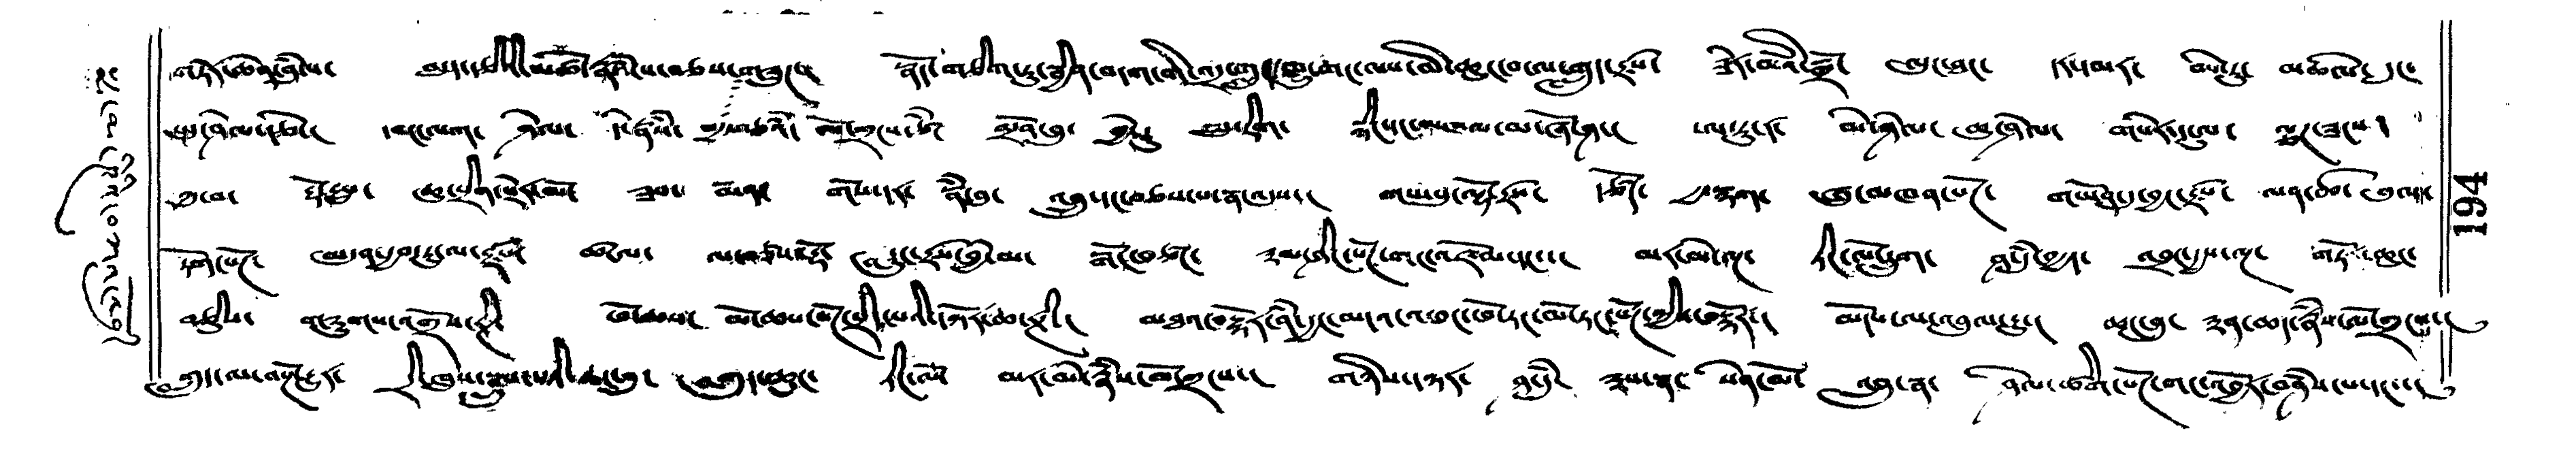གཏེར་ཆེན་བུམ་པ། བདུད་རྩིའི་མཚོ་རྣམས་བཅས་གཟུག དེ་རྣམས་བརྒྱ་རྩའམ། ལོ་གྲངས་ཙམ། སྣོད་གཅིག་ཏུ་སྦྱིན་བདག་གི་འདྲ་གླུད་ཁྲུ་གང་ལས་མི་ཆུང་བ་ལ་གླུད་རྫས། ཟེར་མའི་སྒྲོ། ལུང་ཐང་། དར་དམར། བསེ་རུ། མཚལ། དུང་། 
སྤུ་ཤེལ་རྩེ། དབང་ལག མགྲོན་བུ། བྱེ་རུ། མུ་ཏིག སྙིང་དང་མཁལ་མ་ཞོ་ཤ། ཆུ་ཤེལ། ཨ་རུ་ར། མེ་ཤེལ། གསེར་དངུལ། ལྕགས་ཟངས། 
ཀུ་བ། རྡོ་སྤུག ཆུ་སྲིན་སྡེར་མོ། ཟས། སྨན། གོས་དར། སྣམ་བུ། འབྲུ་དང་བཅས་པ་སྣ་འདུས། གཡས་སུ་ལྷོ་རྫས། རྩོད། རྒྱ་སྐྱགས། ཞུ་མཁན་སོགས། གཡོན་དུ་བྱང་རྫས། ལན་ཚྭ། བུལ་
ཏོག་སོགས། མདུན་རྒྱབ་ཏུ་ལ་རྫས། ཚྭལ། ལ་བཙས་རྡོ། རླུང་རྫས་བྱེ་མ། སྒོང་བཙང་།ཟམ་ཤིང་སོགས་གང་འཛོམ་དང་། མར་མེ་ལྔ། ཏིང་ལོ་དྲུག ཤ་དུམ་བརྒྱད། འབྲང་རྒྱས་ལྔ། གཏོར་ཆུང་
བཅུ་གཉིས། གཟུགས་འགྲོས་རིགས། ཕོ་ཆས། མོ་ཆས་སོགས་སྲིད་པའི་དཀོར་ཆ་རིགས། མཐའ་སྐོར་ནམ་རྒྱང་མདའ་འཕང་ཕོ་ཏང་མོ་ཏང་སོགས་ཀྱིས་བསྐོར། མདོས་ལ་འབུལ་རྒྱུ། ཆང་བུ། ཟན་ཆད་རྣམས་ལོ་གྲངས། 
གླུད་ལ་བསྔོ་རྒྱུར། དྲི་ཁུས་སྦྲུས་པའི་ཆང་བུ། གླུད་ཆུང་། ཏིང་ལོ། མར་མེ་རྣམས་ལོ་གྲངས། གཉིས་ཀར། ཤ་དུམ། ཟས་སྣ། སེན་མོ། འབྲུ་སྣ། ཤེལ་ཚིག་སོགས་གང་འབྱོར་བཤམས་པ་དང་།